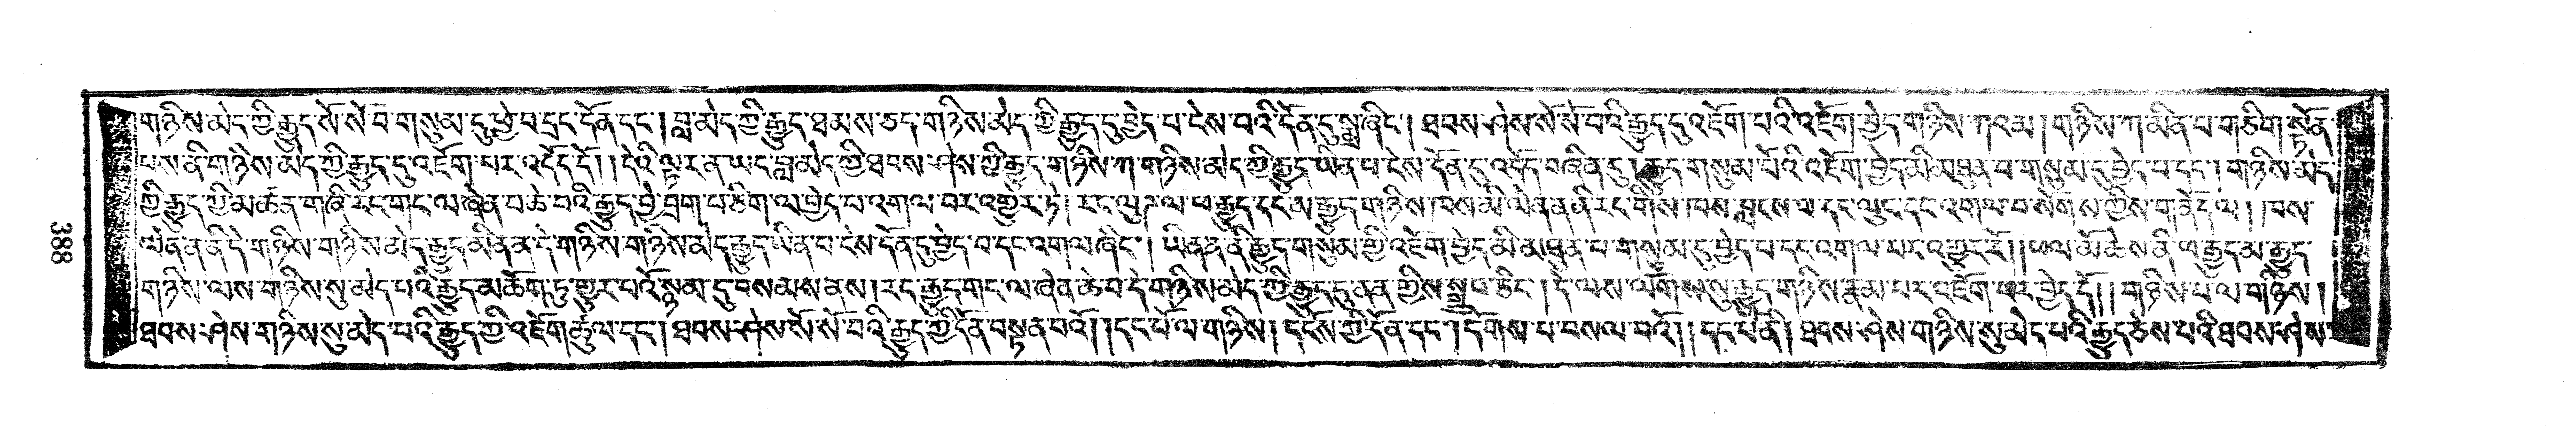གཉིས་མེད་ཀྱི་རྒྱུད་སོ་སོ་བ་གསུམ་དུ་ཕྱེ་བ་དྲང་དོན་དང་། བླ་མེད་ཀྱི་རྒྱུད་ཐམས་ཅད་གཉིས་མེད་ཀྱི་རྒྱུད་དུད་བྱེད་པ་ངེས་པའི་དོན་དུ་སྨྲ་ཞིང་། ཐབས་ཤེས་སོ་སོ་བའི་རྒྱུད་དུ་འཇོག་པའི་འཇོག་བྱེད་གཉིས་ཀའམ། གཉིས་ཀ་མིན་པ་གཅིག་སྟོན་
པས་ནི་གཉིས་མེད་ཀྱི་རྒྱུད་དུ་འཇོག་པར་འདོད་དོ། །དེའི་ལྟར་ན་ཡང་བླ་མེད་ཀྱི་ཐབས་ཤེས་ཀྱི་རྒྱུད་གཉིས་ཀ་གཉིས་མེད་ཀྱི་རྒྱུད་ཡིན་པ་ངེས་དོན་དུ་འདོད་བཞིན་དུ། རྒྱུད་གསུམ་པོའི་འཇོག་བྱེད་མི་མཐུན་པ་གསུམ་དུ་བྱེད་པ་དང་། གཉིས་མེད་
ཀྱི་རྒྱུད་ཀྱི་མཚན་གཞི་རང་གང་ལ་ཞེན་པ་ཆེ་བའི་རྒྱུད་བྱེ་བྲག་པ་ཅིག་ལ་བྱེད་པ་འགལ་བར་འགྱུར་ཏེ། རང་ལུགས་ལ་ཕ་རྒྱུད་དང་མ་རྒྱུད་གཉིས་ཁས་མི་ལེན་ན་ནི་རང་གིས་ཁས་བླངས་པ་དང་ལུང་དང་འགལ་བ་སོགས་ཀྱིས་གནོད་ལ། ཁས་
ལེན་ན་ནི་དེ་གཉིས་གཉིས་མེད་རྒྱུད་མིན་ན་དེ་གཉིས་གཉིས་མེད་རྒྱུད་ཡིན་པ་ངེས་དོན་དུ་བྱེད་པ་དང་འགལ་ཞིང་། ཡིན་ན་ནི་རྒྱུད་གསུམ་གྱི་འཇོག་བྱེད་མི་མཐུན་པ་གསུམ་དུ་བྱེད་པ་དང་འགལ་པར་འགྱུར་རོ། །ཕལ་མོ་ཆེས་ནི་ཕ་རྒྱུད་མ་རྒྱུད་
གཉིས་ལས་གཉིས་སུ་མེད་པའི་རྒྱུད་མཆོག་ཏུ་གྱུར་པའོ་སྙམ་དུ་བསམས་ནས། རང་རྒྱུད་གང་ལ་ཞེན་ཆེ་བ་དེ་གཉིས་མེད་ཀྱི་རྒྱུད་དུ་ནན་གྱིས་སྒྲུབ་ཅིང་། དེ་ལས་ལོགས་སུ་རྒྱུད་གཉིས་རྣམ་པར་འཇོག་པར་བྱེད་དོ། །གཉིས་པ་ལ་གཉིས།
ཐབས་ཤེས་གཉིས་སུ་མེད་པའི་རྒྱུད་ཀྱི་འཇོག་ཚུལ་དང་། ཐབས་ཤེས་སོ་སོ་བའི་རྒྱུད་ཀྱི་དོན་བསྟན་པའོ། །དང་པོ་ལ་གཉིས། དངོས་ཀྱི་དོན་དང་། དོགས་པ་བསལ་བའོ། །དང་པོ་ནི། ཐབས་ཤེས་གཉིས་སུ་མེད་པའི་རྒྱུད་ཅེས་པའི་ཐབས་ཤེས་